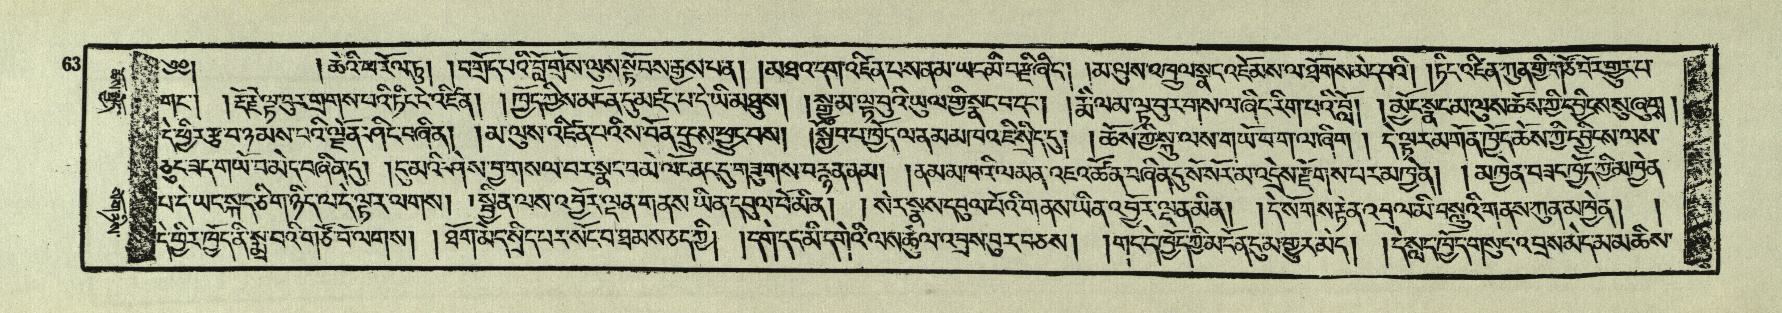༄༅། །ཆེའི་ཕ་རོལ་ཏུ། །བགྲོད་པའི་བློ་གྲོས་ལུས་སྟོབས་རྒྱས་པ་ན། །མཐའ་དག་འཛིན་པས་ནམ་ཡང་མི་བརྫི་ཞིང་། །མ་ལུས་འཁྲུལ་སྣང་འཇོམས་ལ་ཐོགས་མེད་པའི། །ཏིང་འཛིན་ཀུན་གྱི་གཙོ་བོར་གྱུར་པ་
གང་། །རྡོ་རྗེ་ལྟ་བུར་གྲགས་པའི་ཏིང་ངེ་འཛིན། །ཁྱོད་ཀྱིས་མངོན་དུ་མཛད་པ་དེ་ཡི་མཐུས། །སྒྱུ་མ་ལྟ་བུའི་ཡུལ་གྱི་སྣང་བ་དང་། །རྨི་ལམ་ལྟ་བུར་གསལ་ཞིང་རིག་པའི་བློ། །མྱོང་སྣང་མ་ལུས་ཆོས་ཀྱི་དབྱིངས་སུ་ཞུགས་།
དེ་ཕྱིར་རྩ་བ་ཉམས་པའི་ལྗོན་ཤིང་བཞིན། །མ་ལུས་འཛིན་པའི་ས་བོན་དྲུངས་ཕྱུང་བས། །སྐྱོབ་པ་ཁྱོད་ལ་ནམ་མཁའི་ཇི་སྲིད་དུ། །ཆོས་ཀྱི་སྐུ་ལས་གཡོ་བ་ག་ལ་ཞིག །དེ་ལྟར་མགོན་ཁྱོད་ཆོས་ཀྱི་དབྱིངས་ལས་
ཅུང་ཟད་གཡོ་བ་མེད་བཞིན་དུ། །དུ་མའི་ཤེས་བྱ་གསལ་བར་སྣང་བ་མེ་ལོང་ནང་དུ་གཟུགས་བརྙན་ནམ། །ནམ་མཁའི་ལམ་ན་འཇའ་ཚོན་བཞིན་དུ་སོ་སོར་མ་འདྲེས་རྫོགས་པར་མཁྱེན། །མཁྱེན་བཟང་ཁྱོད་ཀྱི་མཁྱེན་
པ་དེ་ཡང་སྐད་ཅིག་ཉིད་ལ་དེ་ལྟར་ལགས། །སྦྱིན་ལས་འབྱོར་ལྡན་གནས་ཡིན་དབུལ་པོ་མིན། །སེར་སྣས་དབུལ་པོའི་གནས་ཡིན་འབྱོར་ལྡན་མིན། །དེ་སོགས་རྟེན་འབྲལ་མི་བསླུའི་གནས་ཀུན་མཁྱེན། །
དེ་ཕྱིར་ཁྱོད་ནི་སྨྲ་བའི་གཙོ་བོ་ལགས། །ཐོག་མེད་སྲིད་པར་སོང་བ་ཐམས་ཅད་ཀྱི། །དགེ་དང་མི་དགེའི་ལས་ཚུལ་འབྲས་བུར་བཅས། །གང་དེ་ཁྱོད་ཀྱི་མངོན་དུ་མ་གྱུར་མེད། །དེ་སླད་ཁྱོད་གསུང་འབྲས་མེད་མ་མཆིས་